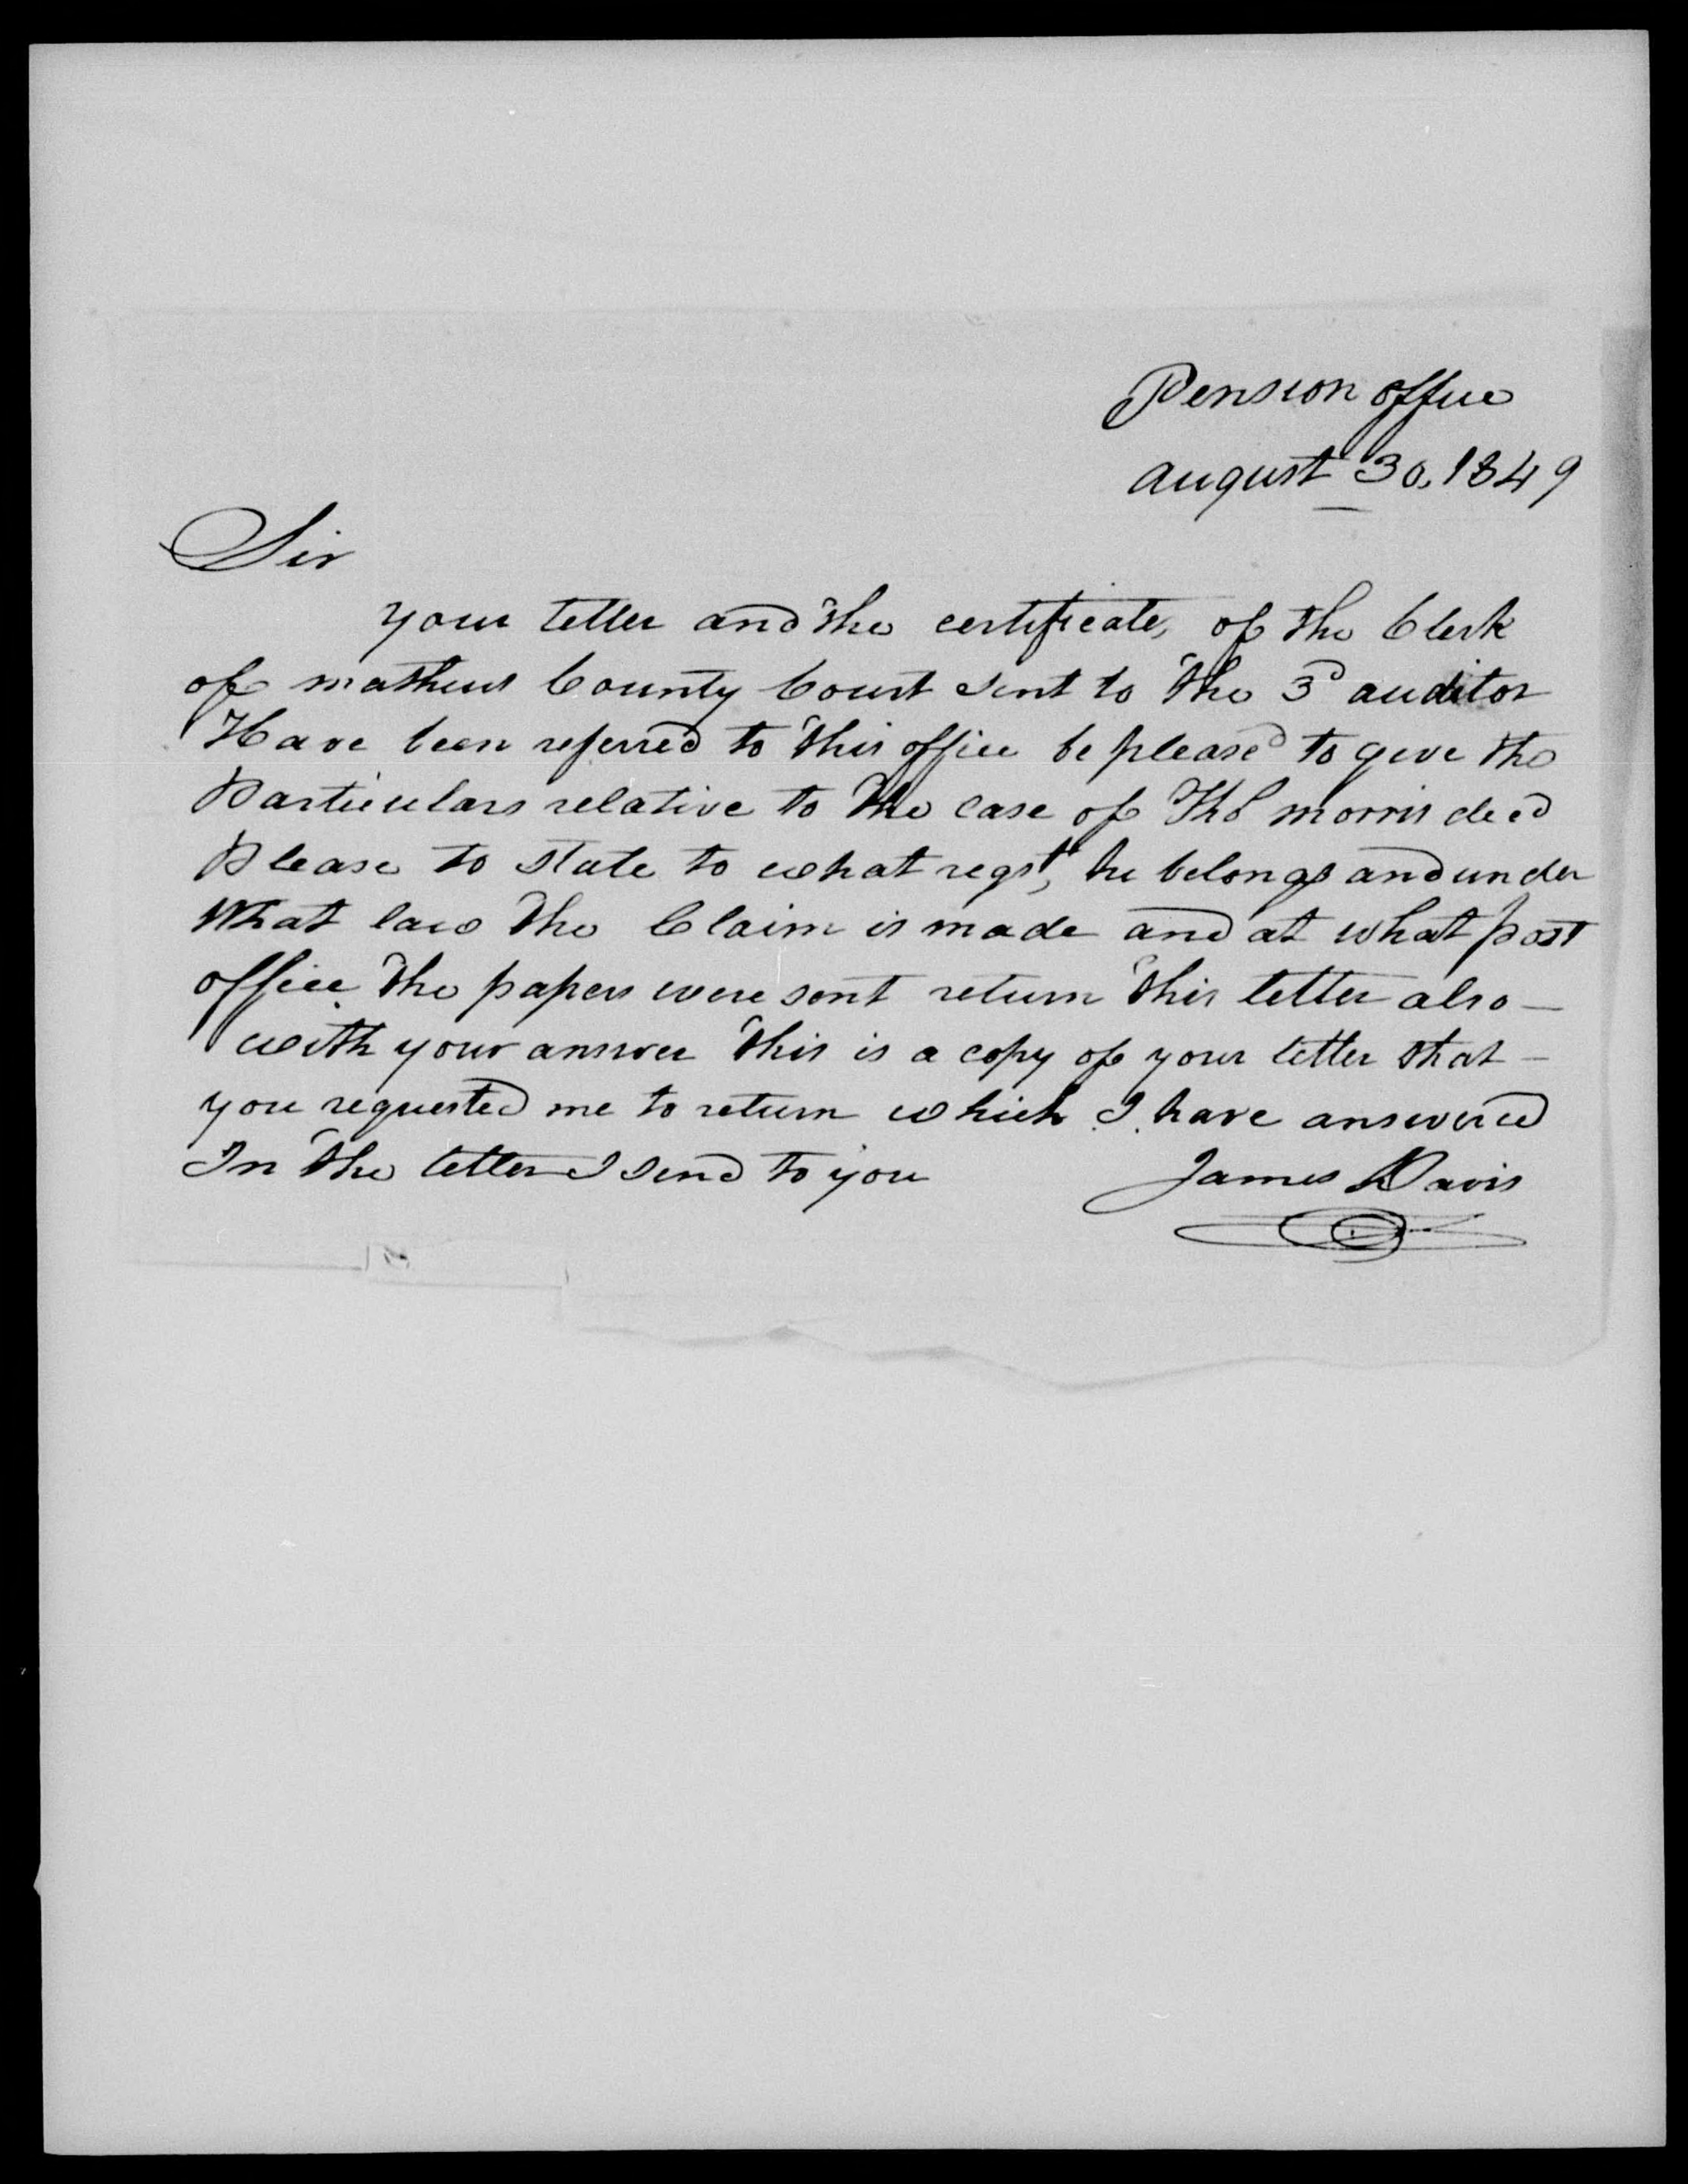Pension office
August 30, 1849
Sir
Your letter and the certificate of the Clerk of Mathews County Court sent to the 3d auditor have been referred to this office be pleased to give the particulars relative to the case of Tho L. Morris decd Please to state to what reget he belongs and under what law the claim is made and at what post office the papers were sent return this letter also with your answer. This is a copy of your letter that you requested me to return which I have answered in the letter I send to you 
James Davis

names: James Davis; Thos Morris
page: 29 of 30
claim: rejected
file: R. 16,555, for Thomas Morris, Georgia